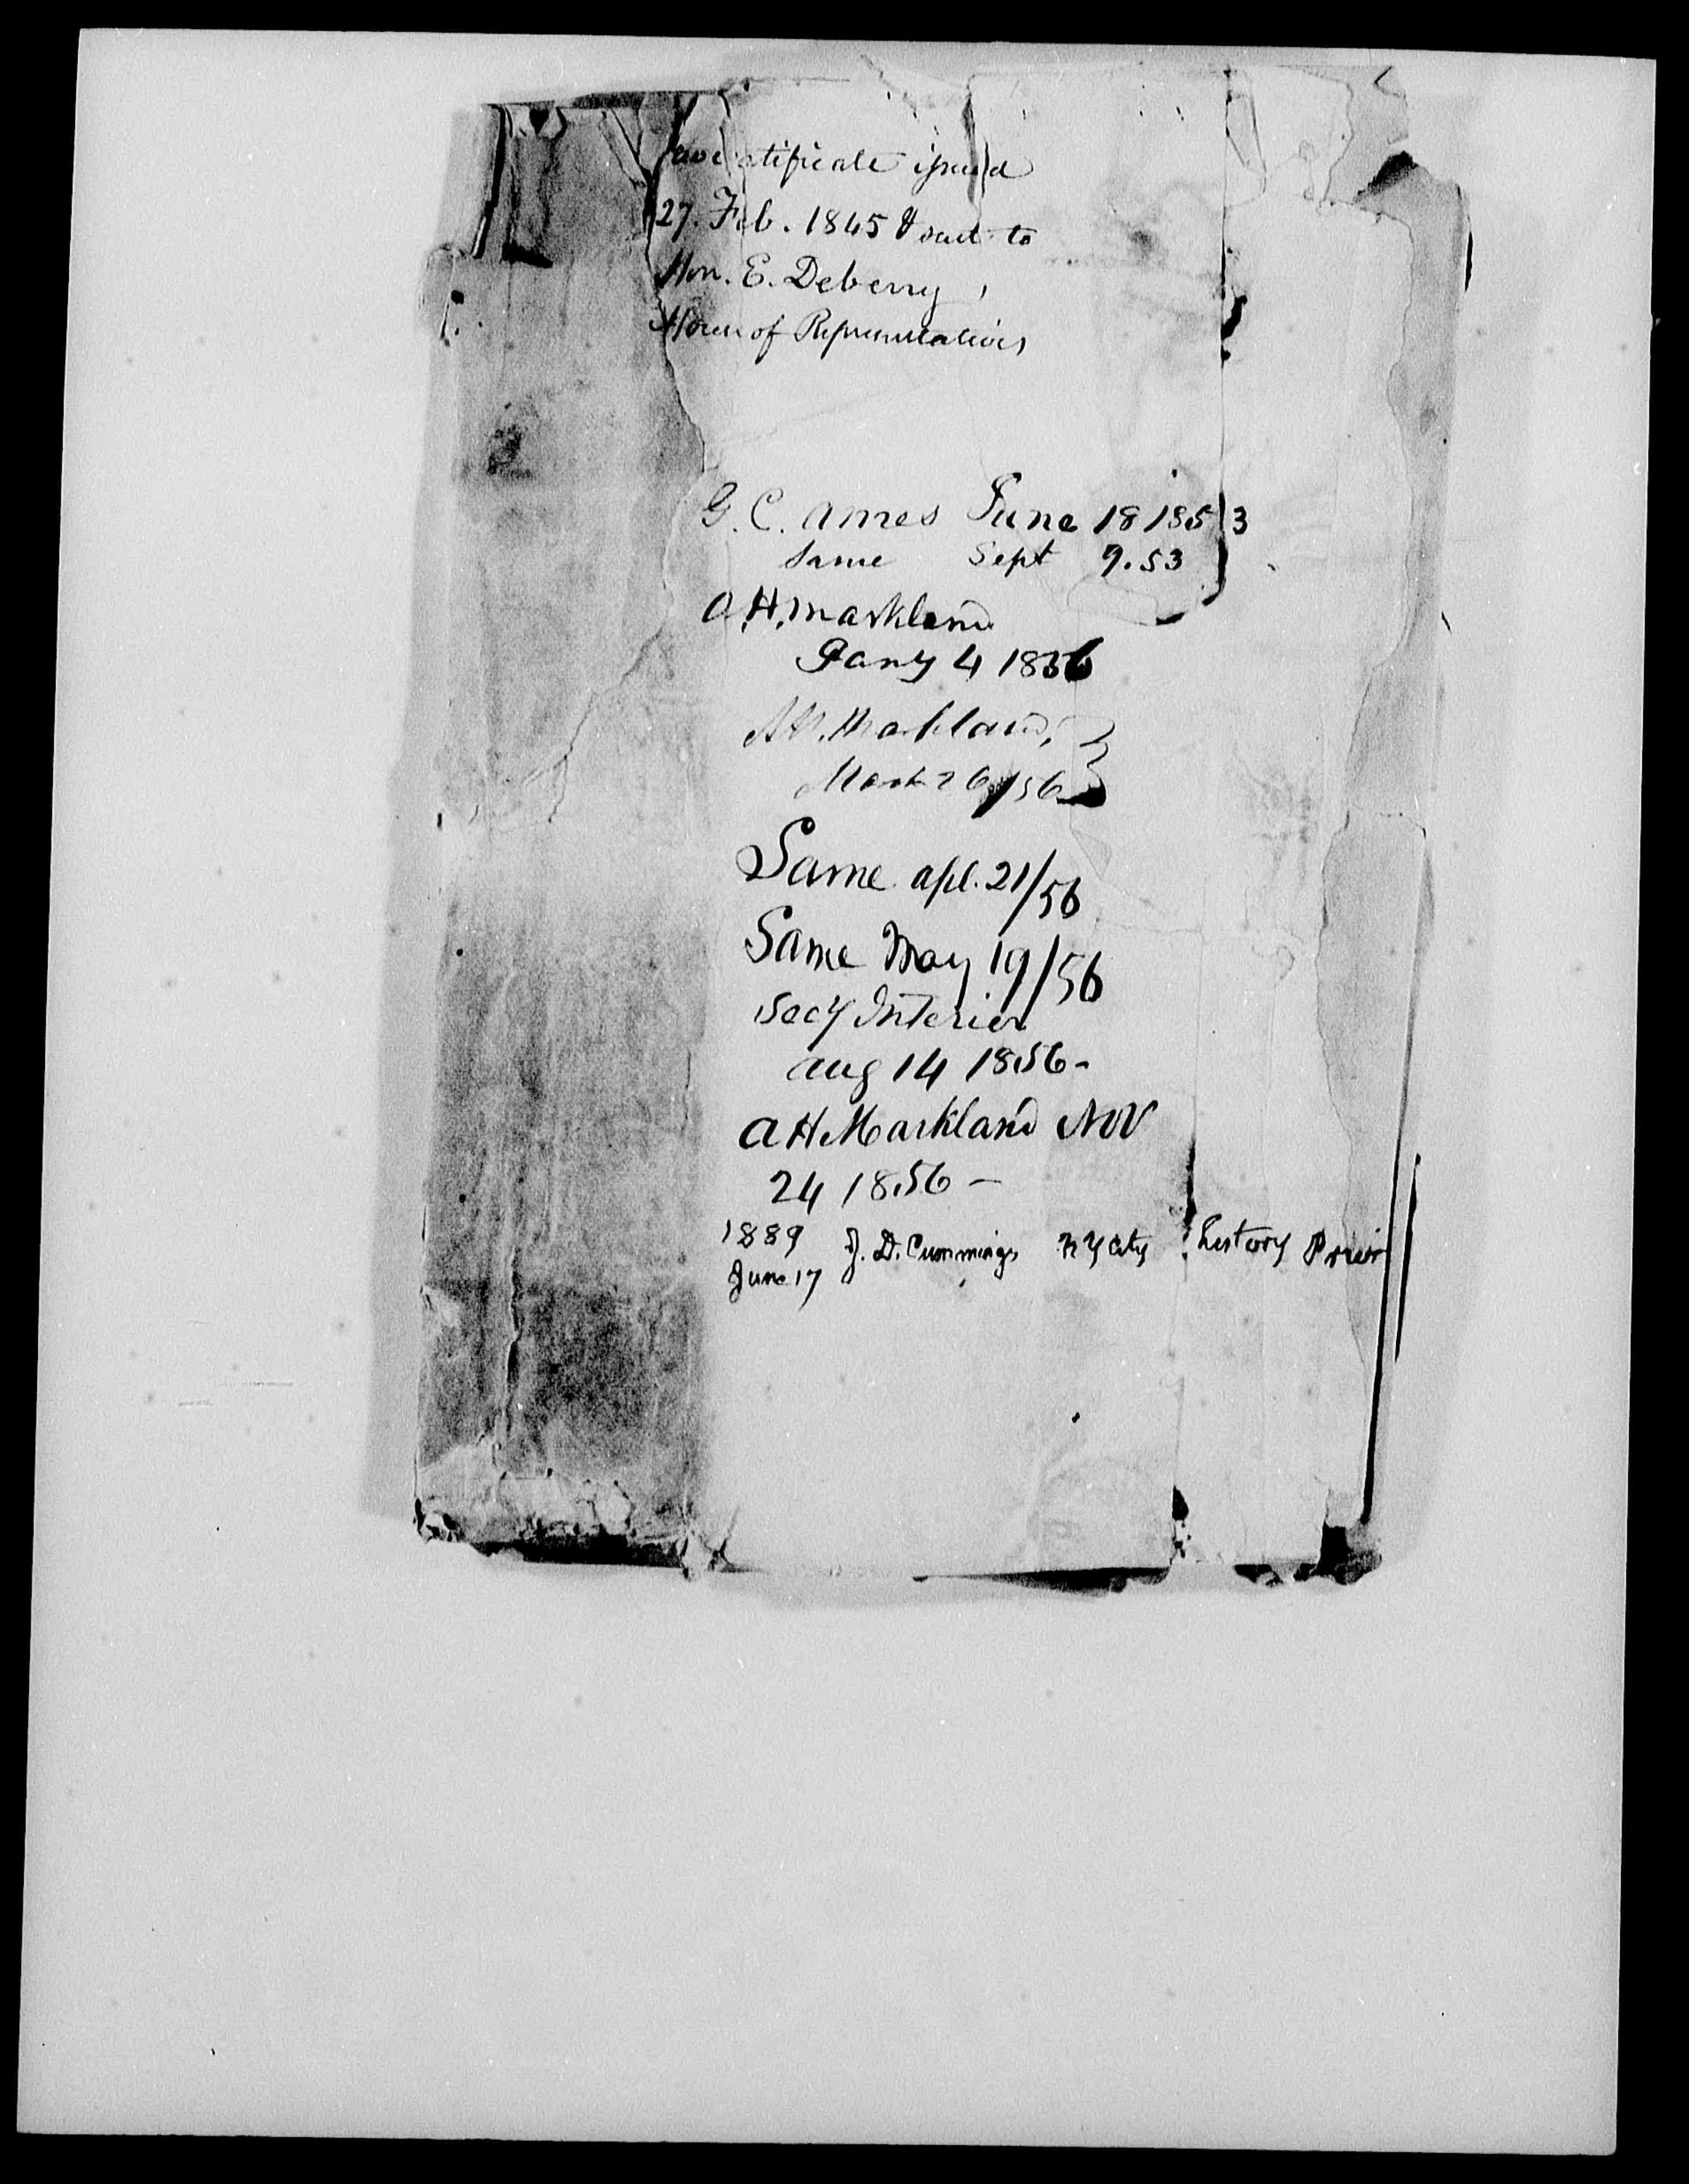[Well-worn record with torn edges]

[Illegible]  C_ertificate issued 27. Feb. 1845 & sent to Hon. E. Deberry, House of Representatives

[Another handwriting style begins here.  This appears to continue a list of letters that had been sent out re this pension claim.] 
G C Ames June 18 1853
same Sept 9. 53 [1853]

A H. [the following surname has a blotted next to last letter, so possibly reads as:] Marklem [or Marklam or Markland]
Jany 4 1856

A [?] H Markland)
March 26/56 [1856]

Same apl. 2/56 [1856]
Same May 19/56 [a856]

Secy Interier 
Aug 14 1856~

A H Markland Nov 24 1856 -

[In a second handwriting style:] 1889 June 17 J. D. Cummings  NY City  history ?Privt [This appears to indicate that on June 17, 1889, a letter was sent to J. D. Cummings, at N Y City, re a history of the private, apparently referring to pensioner William Cumming.]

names: A H Markland, D Cummings, E Deberry, A H Markland, A H Markland, G C Ames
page: 14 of 145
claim: survivor's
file: S. 8265, William Cumming, N.C.